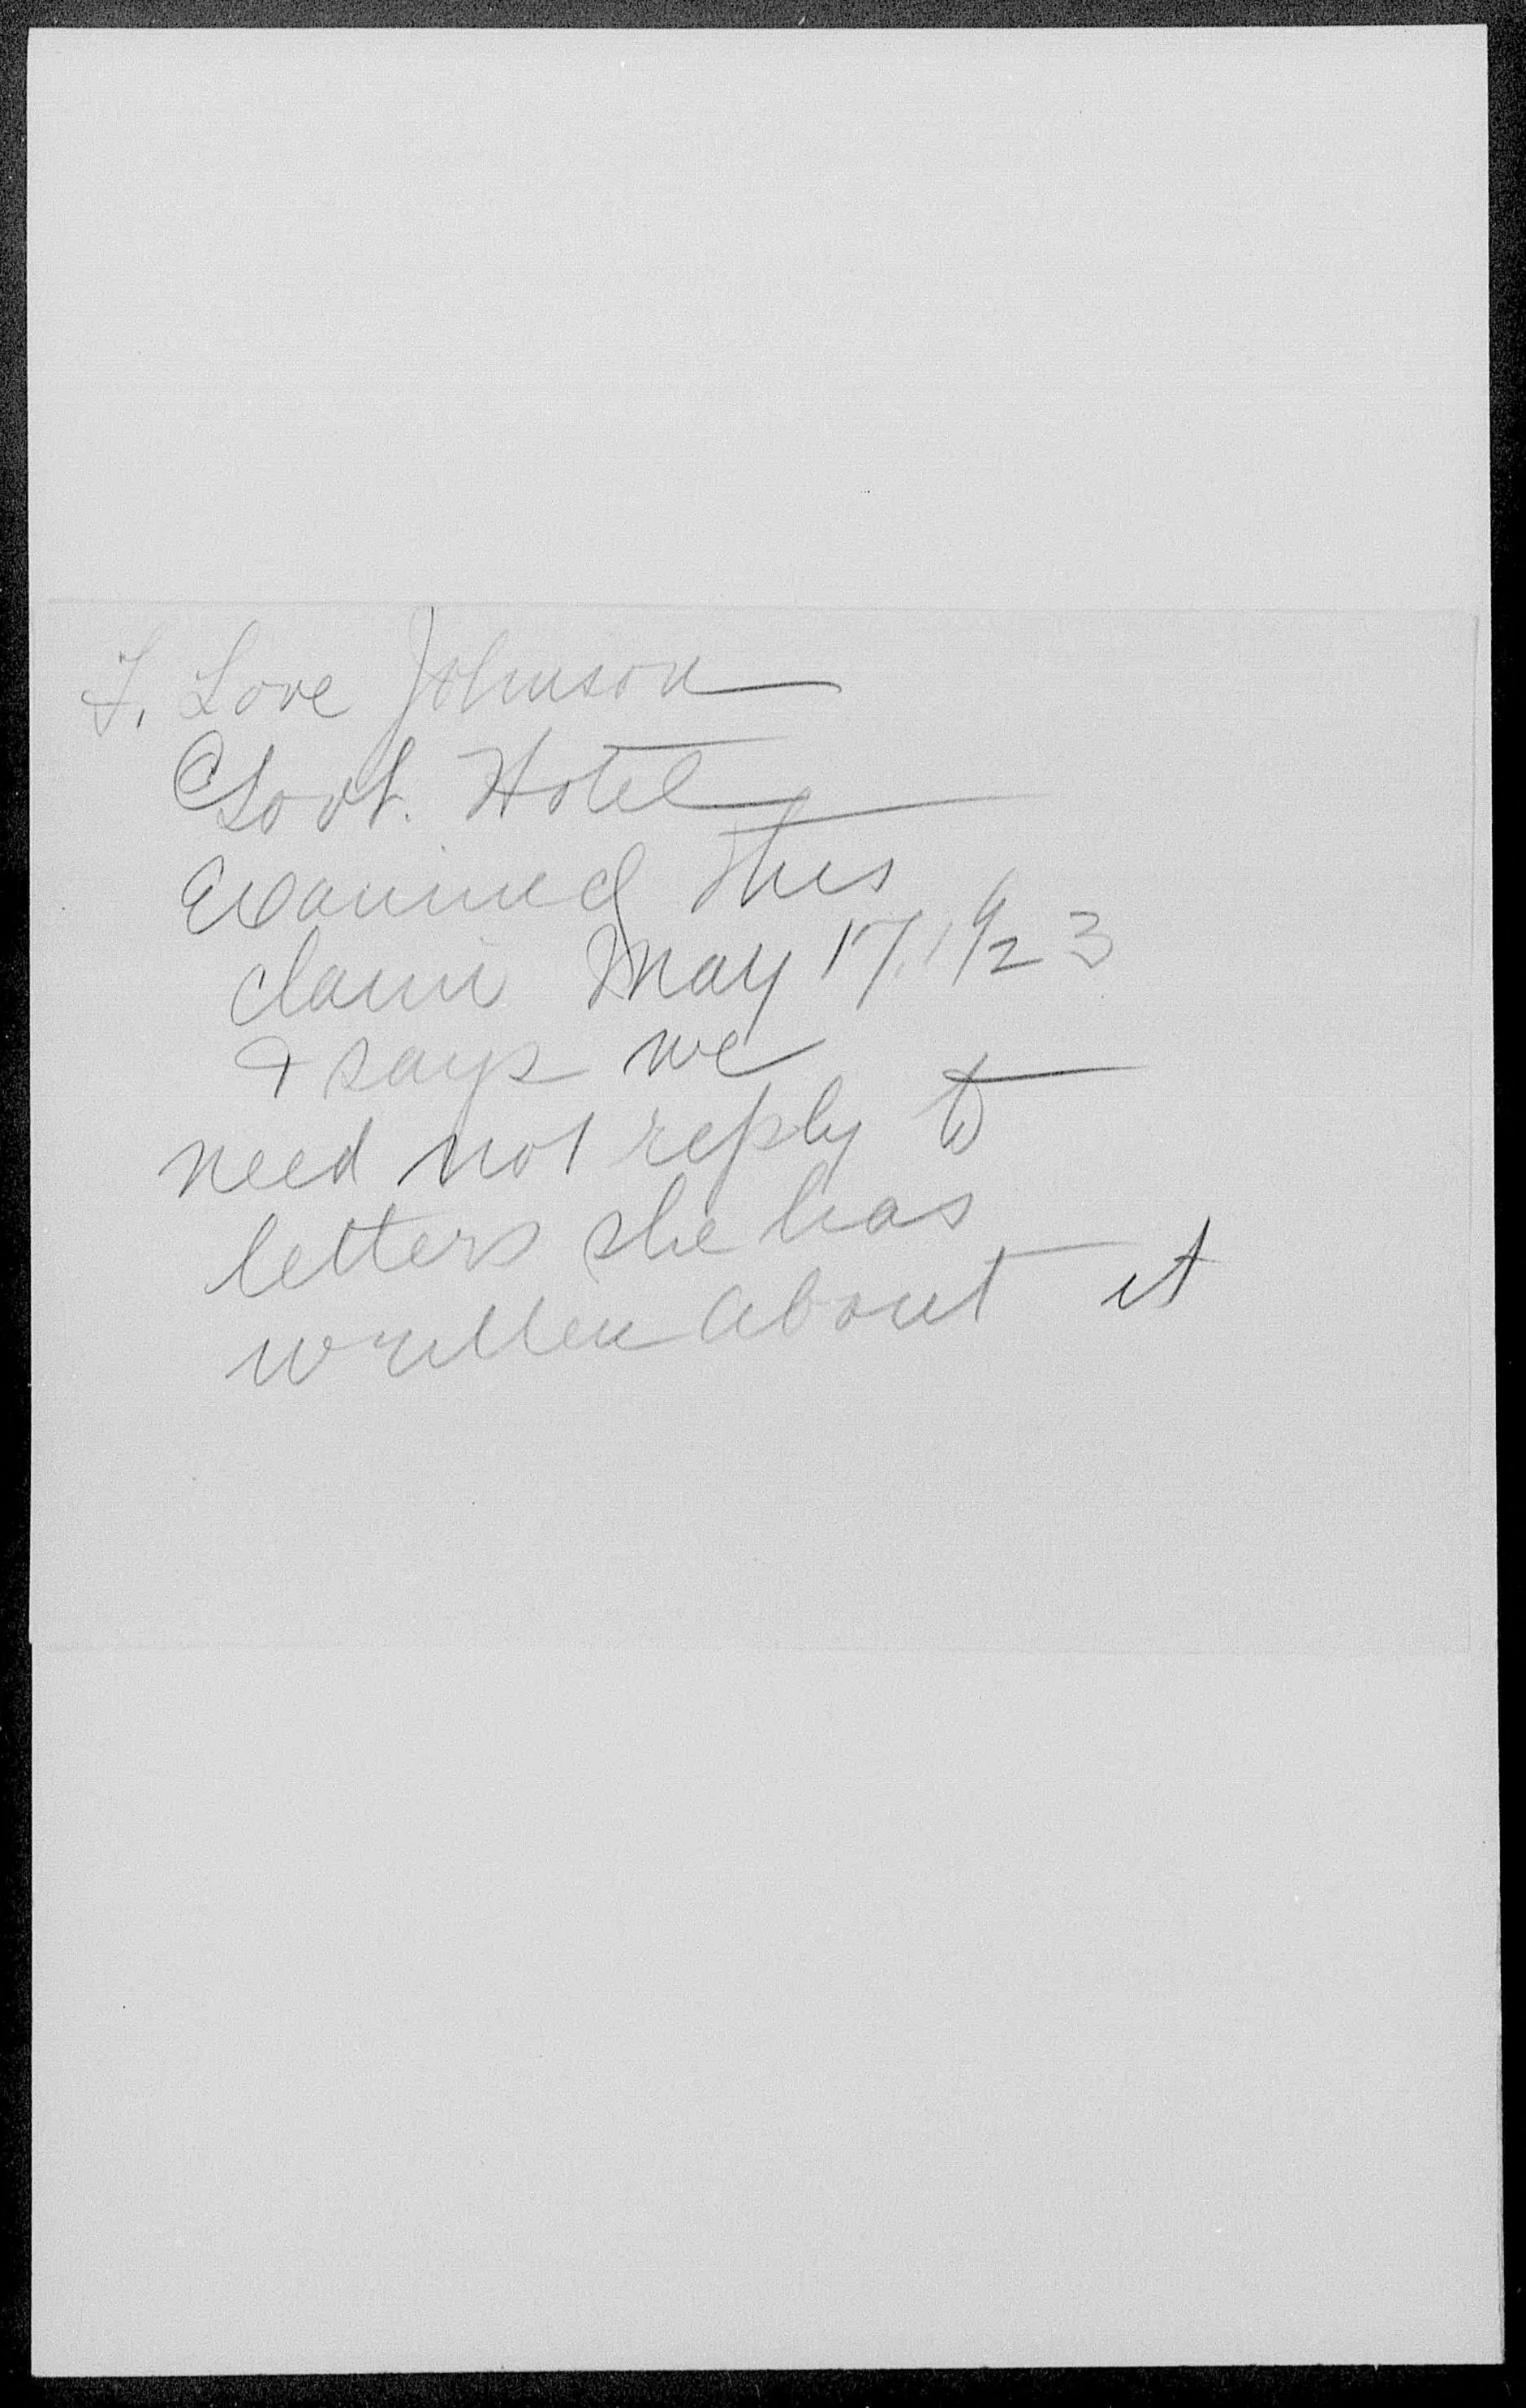F. Love Johnson
Govt. Hotel

[illegible] this 
claim May 17, 1923
& says we
need not reply to letters she has
written about it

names: F Love Johnson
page: 26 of 35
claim: survivor's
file: S. 32092, Asa Alexander, Ga.